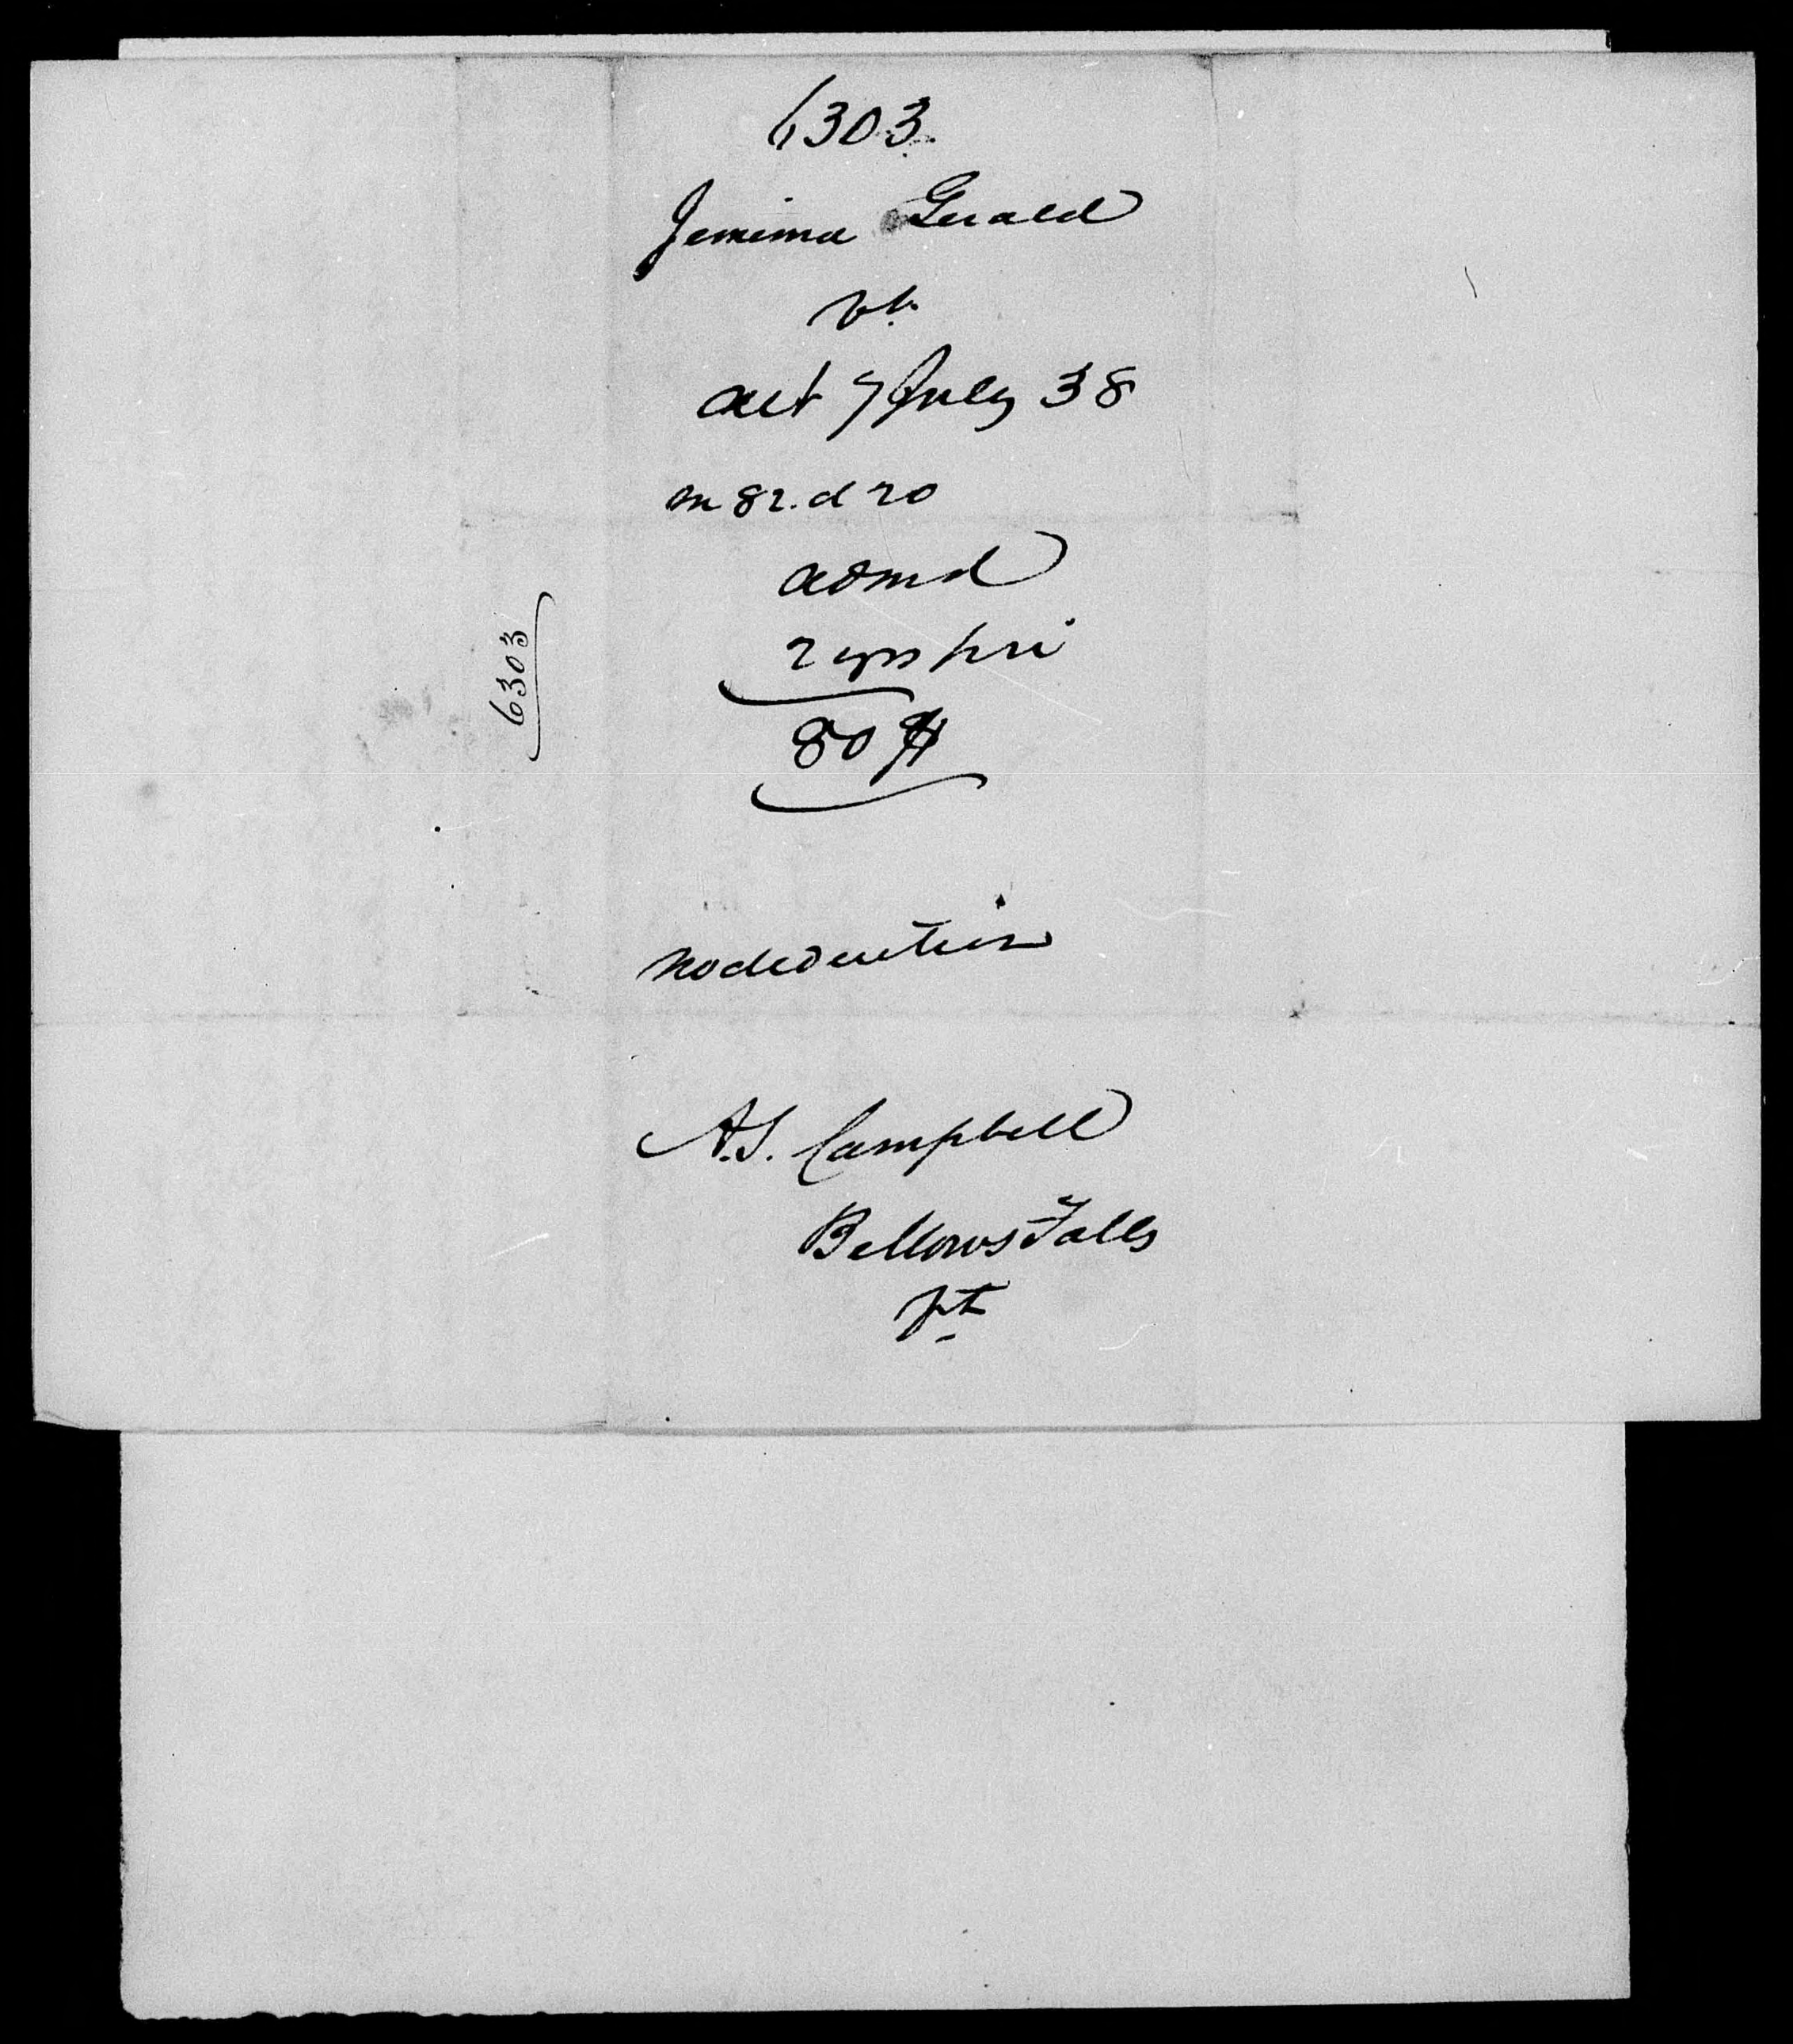[sideways in left margin: 6303]

6303.
Jemima Gerald
~
Act 7 July 38
on 82.d 20
aomd
2 years pri
~
80$
~
no deduction
A.S. Campbell
Bellows Falls
pt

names: A S Campbell, Jemima Gerald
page: 16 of 26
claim: widow's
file: W. 25619, Gamaliel Gerald, Mass.